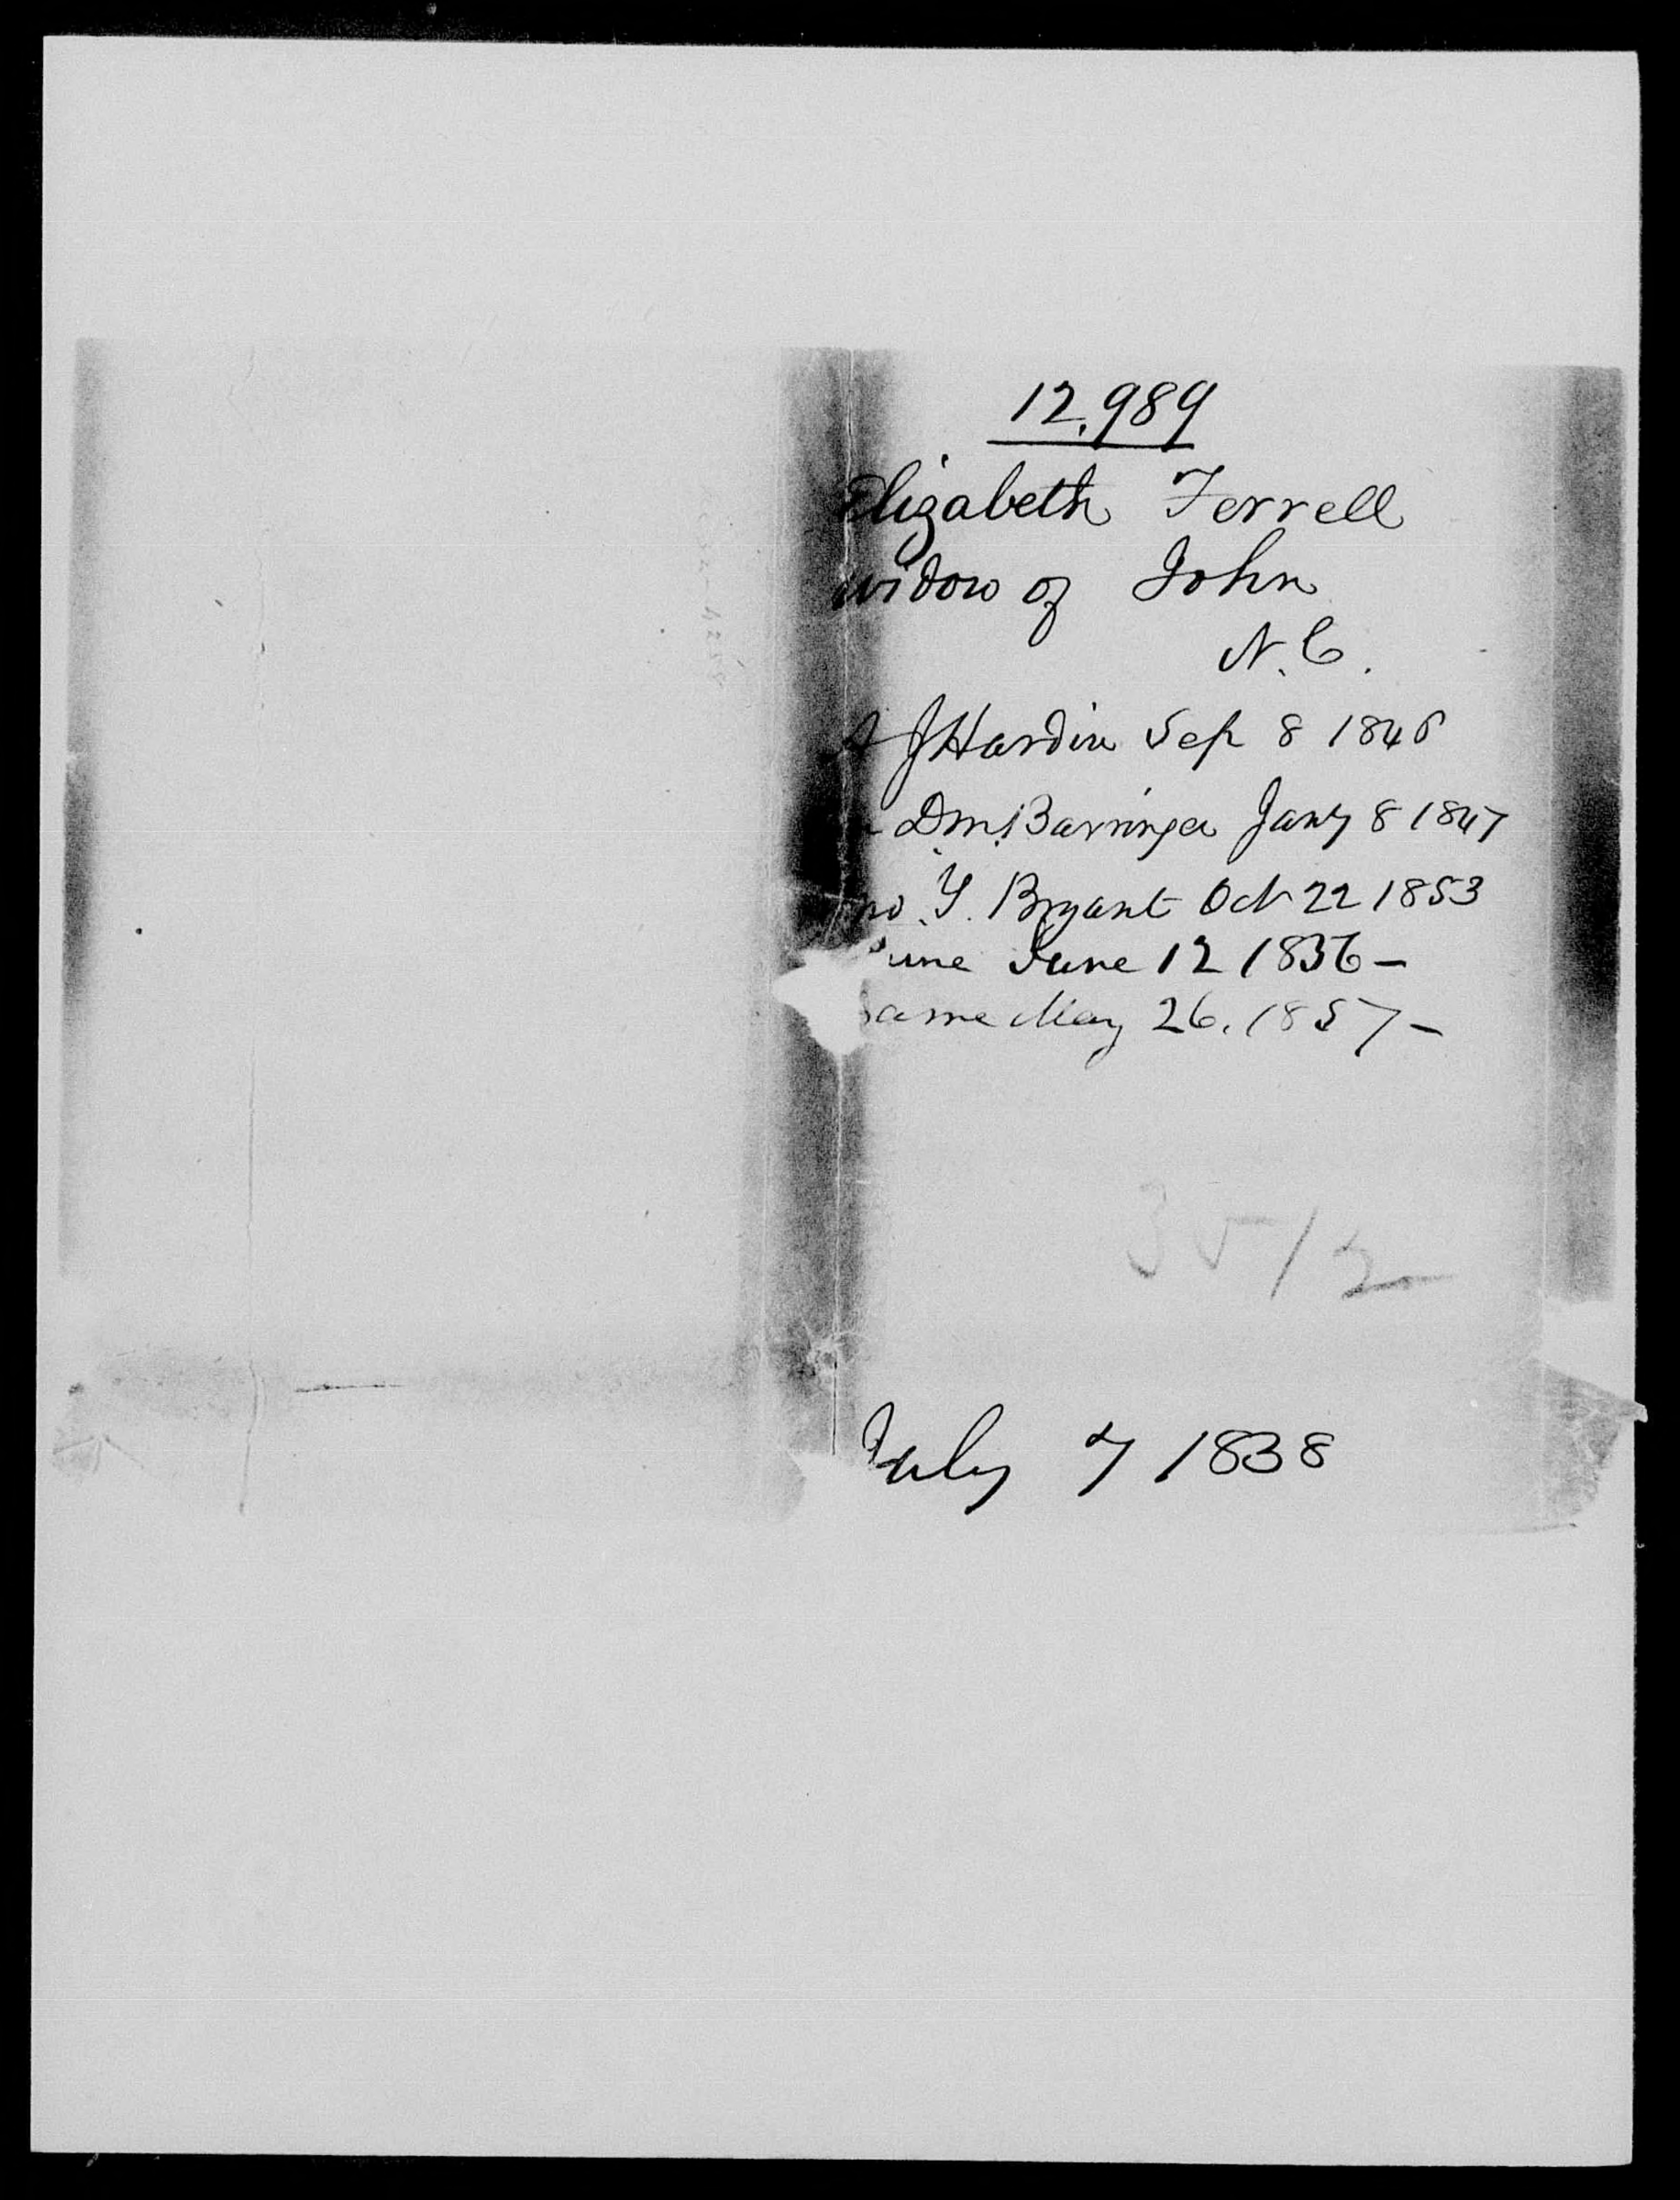12.989
Elizabeth Ferrell
Widow of John
N.C.
AJ Hardin Sept 8 1846
DM Barringer July 8 1847
Y. Bryant Oct. 22, 1853
:illegible: June 12 1836
:illegible: May 26, 1857
July 7 1838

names: A J Hardin, D M Barringer, Jno Y Bryant, Elizabeth Ferrell, John Ferrell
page: 46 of 52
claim: rejected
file: R. 3,512, John Ferrell, N.C.